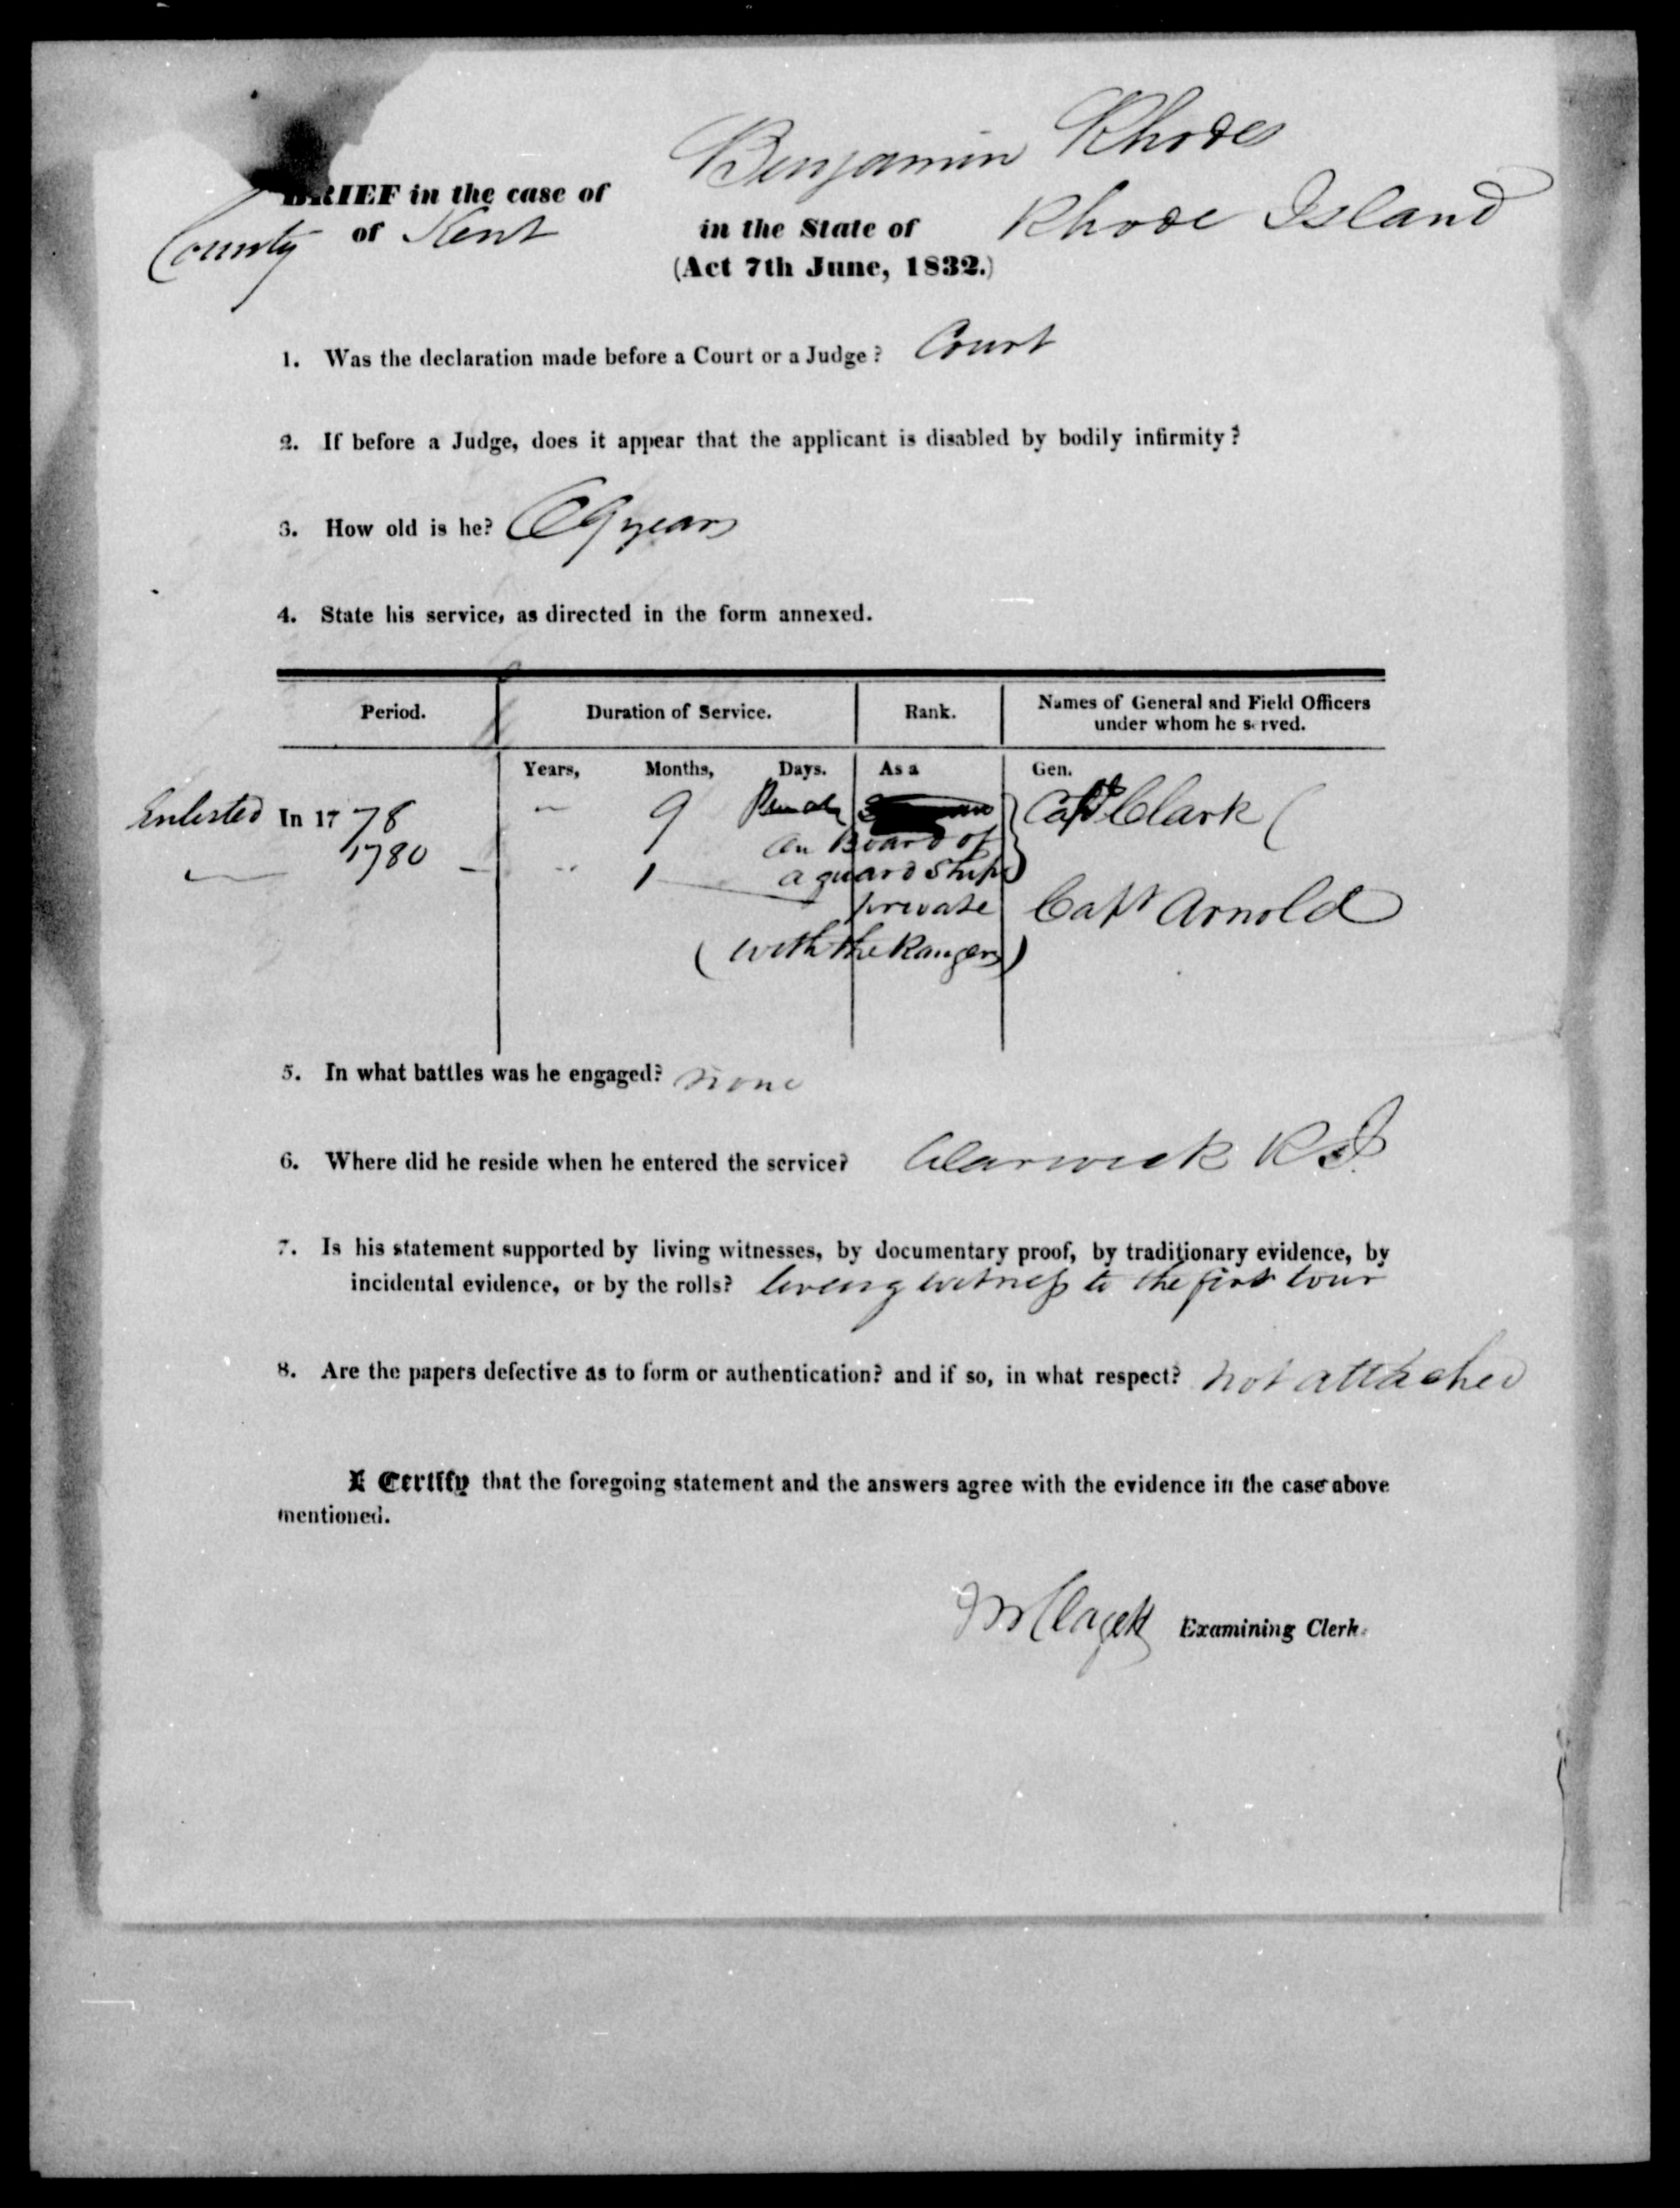Brief in the case of Benjamin Rhodes
County of Kent in the State of Rhode Island (act 7th June, 1832.)
1. Was the declaration made before a court of Judge? Court
2. If before a Judge, does it appear that the applicant is disabled by bodily infirmity?
3. How old is he? 69 years
4. State his service, as directed in the form annexed.
-
Period
Enlisted in 1778
Enlisted in 1780
- 
Duration of Service.
Years, Months, Days,
9 months
1 month
- 
Rank
As a
Private on board of a guard ship
Private with the Rangers
-
Names of General and Field Officers under whom he served.
Gen.
Capt Clark
Capt Arnold
-
5. In what battles was he engaged? none
6. Where did he reside when he entered service? Warwick R. I.
7. Is his statement supported by living witnesses, by documentary proof, by traditionary evidence, by incidental evidence, or by the rolls? living witness to the first tour
8. Are the papers defective as to form or authentication? and if so, in what respect? not attached
I certify that the foregoing statement and the answers agree with the evidence in the case above mentioned.
J. W. Clagett Examining Clerk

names: [BLANK] Arnold; Benjamin Rhodes; [BLANK] Clark; J W Clagett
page: 22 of 50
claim: widow's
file: W. 22058, for Benjamin Rhodes, Rhode Island